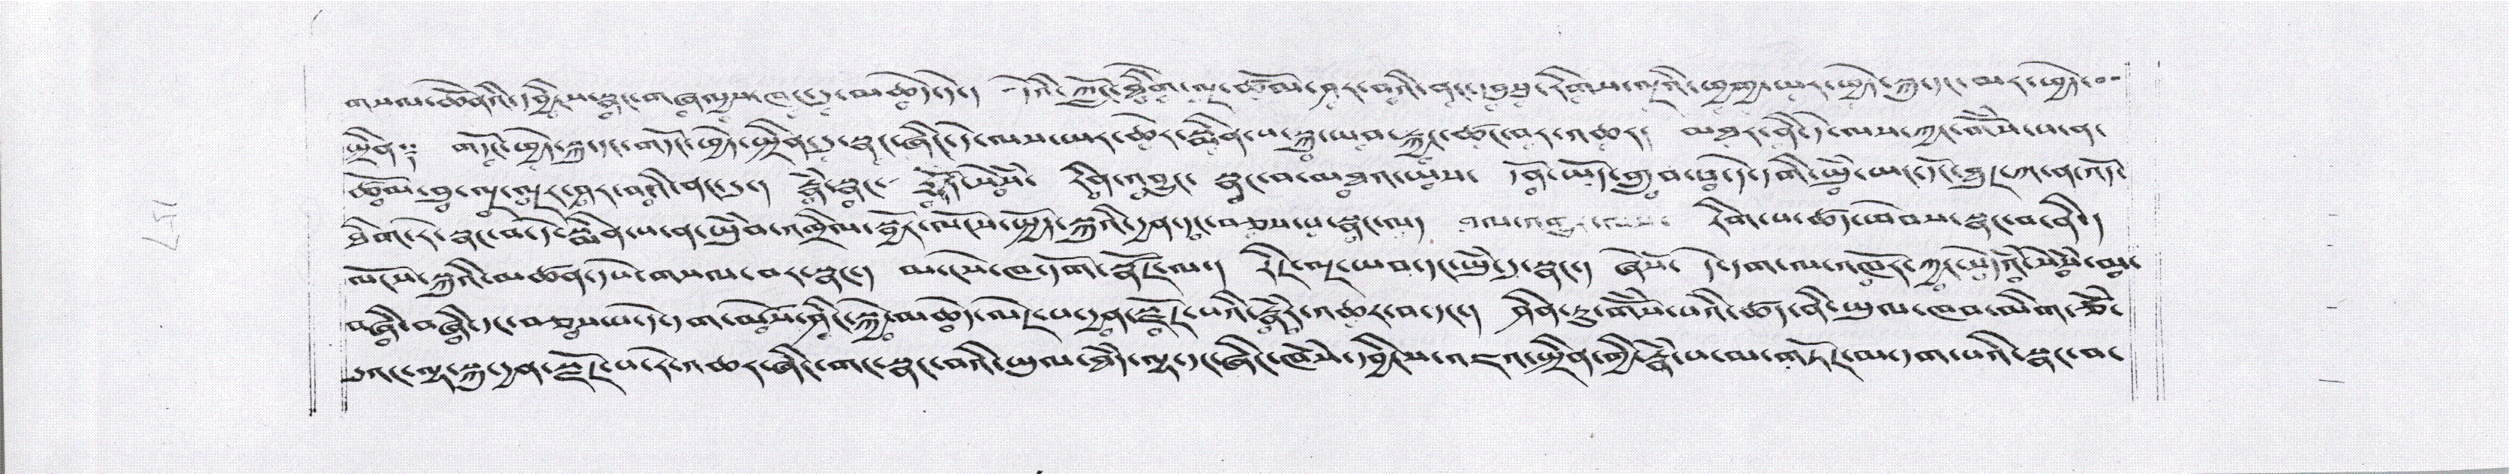གསལ་ཆེན་པོའི་དབྱིངས་སྣང་གཞལ་ཡས་ཁང་དུ་མཆེད་དེ། དེའི་ཀློང་ཐིག་ལེ་ལྔ་ཚོམ་ཤར་བའི་ནང་དབུས་སུ་རིགས་ལྔའི་ཕྱག་རྒྱ་ཡར་ཕྱེད་སྐུ་དང་མར་ཕྱེད་
སྤྲིན། གདོང་ཕྱེད་སྐུ་དང་གདོང་ཕྱེད་སྤྲིན་དུ་སྣང་ཞིང་དེ་ལས་ཡར་ཆེར་སྨིན་པ་སྐུ་ཡབ་རྐྱང་ཚང་བར་འཆར། མཐར་ནི་དེ་ལས་ཀྱང་གོམས་པ་ན་
ཚོམ་བུ་ལྔ་ལྔར་ཤར་བའི་ནང་དུ། རྣམ་སྣང་། རྡོར་སེམས། རིགས་འབྱུང་། སྣང་བ་མཐའ་ཡས། དོན་ཡོད་གྲུབ་པ་དེ་དག་གི་ཡུམ་ཡང་དང་པོ་ཐུགས་ཀ་ན་འོད་
ཐིག་རེ་སྣང་བ་དེ་སྨིན་པ་ན་ཡབ་ཡུམ་འཁྲིལ་སྦྱོར་ལོངས་སྐུའི་རྒྱན་དང་བཅས་པ་སྣང་ལ། ཐལ་འགྱུར་ལས། རིག་པ་ཚད་ཕེབས་སྣང་བ་ནི། 
ལོངས་སྐུའི་མཚན་དཔེ་གསལ་བར་སྣང་། མ་ངེས་ཁ་དོག་སྣ་ཚོགས་ལ། རིགས་ལྔ་ཡབ་དང་ཡུམ་དུ་སྣང་། ཞེས་སོ། དེ་དག་ལ་འཁོར་ཀྱང་སེམས་དཔའ་སེམས་མ་
བཞི་བཞི་དང་བཅས་པ་དེ་དག་མཛེས་ཤིང་སྐྱེ་མཆེད་ལེགས་པ་རྒྱན་རྫོགས་པའི་རྣམ་པར་འཆར་བ་དང་། ཤིན་ཏུ་གོམས་པའི་ཚད་ནི་ཡུལ་ཁབ་མིག་ཙམ་
དུའང་ལྷ་སྐུ་རྒྱན་རྫོགས་པ་རེ་འཆར་ཞིང་གང་སྣང་བའི་ཡུལ་ཐམས་ཅད་ལྷ་དང་ཞིང་ཁམས་དབྱིངས་འཇའ་སྤྲིན་གྱི་རྣམ་པ་མ་གཏོགས་མ་དག་པའི་སྣང་བ་